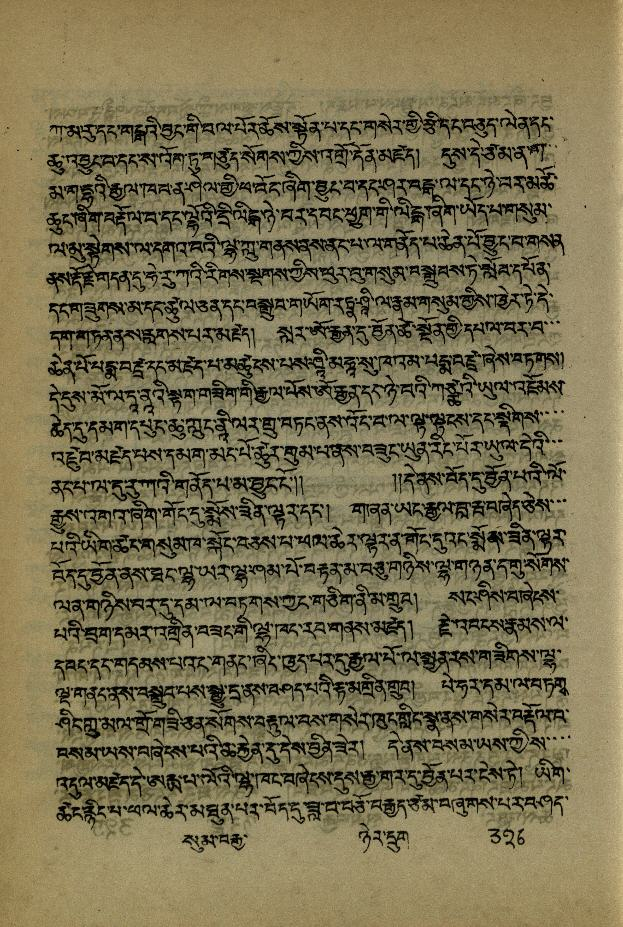ཀ་མ་རུ་དང་གངྒའི་བྱང་གི་བལ་པོར་ཆོས་སྟོན་པ་དང་གསེར་གྱི་རྩི་དང་བཅུད་ལེན་དང་
ཆུ་འབྱུང་བ་དང་ས་འོག་ཏུ་གཙུད་སོགས་ཀྱིས་འགྲོ་དོན་མཛད། དུས་དེ་ཙམ་ན་ག་
མ་ག་དྷའི་རྒྱལ་ཁབ་ན་ཤེལ་གྱི་ཕ་བོང་ཞིག་བྱུང་བ་དང་ཤར་བངྒ་ལ་དང་ཉེ་བར་མཚོ་
ཆུང་ཞིག་བརྡོལ་བ་དང་ལྷོའི་དྲི་ལིངྒ་ཉེ་བར་དབང་ཕྱུག་གི་ལིངྒ་ཞིག་ཡོད་པ་གསུམ་
ལ་མུ་སྟེགས་ལ་དགའ་བའི་ལྷ་ཀླུ་གནས་ནས་ནང་པ་ལ་གནོད་པ་ཆེན་པོ་བྱུང་བ་གསན་
ནས་རྡོ་རྗེ་གདན་དུ་ཧེ་རུ་ཀའི་རིགས་སྔགས་ཀྱིས་ཕུར་བུ་གསུམ་བསྒྲུབས་ཏེ་སློབ་དཔོན་
དང་གཟུགས་མ་དང་ཚུལ་ཅན་དང་བསྒྲུབ་གཡོག་རཏྣ་ཤྲཱི་ལ་རྣམ་གསུམ་གྱིས་ཁྱེར་ཏེ་དེ་
དག་གཏན་ནས་རླགས་པར་མཛད། སླར་ཨོ་རྒྱན་དུ་བྱོན་ཚེ་སྔོན་གྱི་དཔལ་བར་བ་
ཆེན་པོ་པདམ་བཛྲ་དང་མཛད་པ་མཚུངས་པས་ཤྲཱི་མཧཱ་སུ་ཁའམ་པདམ་བཛྲ་ཞེས་བཏགས།
དེ་དུས་མོ་ལ་དཱ་ནཱའི་སྟག་གཟིག་གི་རྒྱལ་པོས་ཨོ་རྒྱན་དང་བའི་ཀཙྪའི་ཡུལ་འཇོམས་
ཆེད་དུ་དམག་དཔུང་ཆུ་ཀླུང་ནཱི་ལར་གྲུ་བཏང་ནས་འོང་བ་ལ་ལྟ་ལྟངས་དང་སྡིགས་
འཛུབ་མཛད་པས་དམག་མང་པོ་ཚུར་གུམ་པ་ནས་བཟུང་ཡུན་རིང་པོར་ཡུལ་དེའི་
ནང་པ་ལ་དུ་རུ་ཀའི་གནོད་པ་མ་འབྱུང་ངོ།། །།དེ་ནས་བོད་དུ་བྱོན་པའི་ལོ་
རྒྱུས་འགའ་ཞིག་གོང་དུ་སྨོས་ཟིན་ལྟར་དང་། གཞན་ཡང་རྒྱལ་བླ་རྦ་བཞེད་ཅེས་
པའི་ཡིག་ཚང་གསུམ་ཁ་སྐོང་བཅས་པ་ཕལ་ཆེར་ལྟར་ན་གོང་དུའང་སྨོས་ཟིན་ལྟར་
བོད་དུ་བྱོན་ནས་ཐང་ལྷ་ཡར་ལྷ་ཤམ་པོ་བརྟན་མ་བཅུ་གཉིས་ལྷ་གཉན་དགུ་སོགས་
ལན་གཉིས་བར་དུ་དམ་ལ་བཏགས་ཀྱང་གཅིག་ནི་མ་གྲུབ། སང་ཤིས་བཞེངས་
པའི་བྲག་དམར་འགྲིན་བཟང་གི་ལྷ་ཁང་རབ་གནས་མཛད། རྗེ་འབངས་རྣམས་ལ་
དབང་དང་གདམས་པའང་གནང་ཞིང་ཁྱད་པར་དུ་རྒྱལ་པོ་ལ་སྤྱན་རས་གཟིགས་ལྷ་
ལྔ་གནང་ནས་བསྒྲུབ་པས་སྒྱུ་དྲ་ནས་བཤད་པའི་རྟ་མགྲིན་གྲུབ། པེ་ཧར་དམ་ལ་བཏགས་
ཤིང་ཀླུ་མལ་གྲོ་གཟི་ཅན་སོགས་བརྟུལ་བས་གསེར་ཁུང་གླིང་སྣ་ནས་གསེར་བརྡོལ་བ་
བསམ་ཡས་བཞེངས་པའི་ཆ་རྐྱེན་དུ་དེས་བྱིན་ཟེར། དེ་ནས་བསམ་ཡས་ཀྱི་ས་
འདུལ་མཛད་དེ་ཨརྱ་པ་ལོའི་ལྷ་ཁང་བཞེངས་དུས་རྒྱ་གར་དུ་བྱོན་པར་ངེས་ཏེ། ཡིག་
ཚང་རྙིང་པ་ཕལ་ཆེར་མཐུན་པར་བོད་དུ་ཟླ་བ་བཅོ་བརྒྱད་ཙམ་བཞུགས་པར་བཤད་